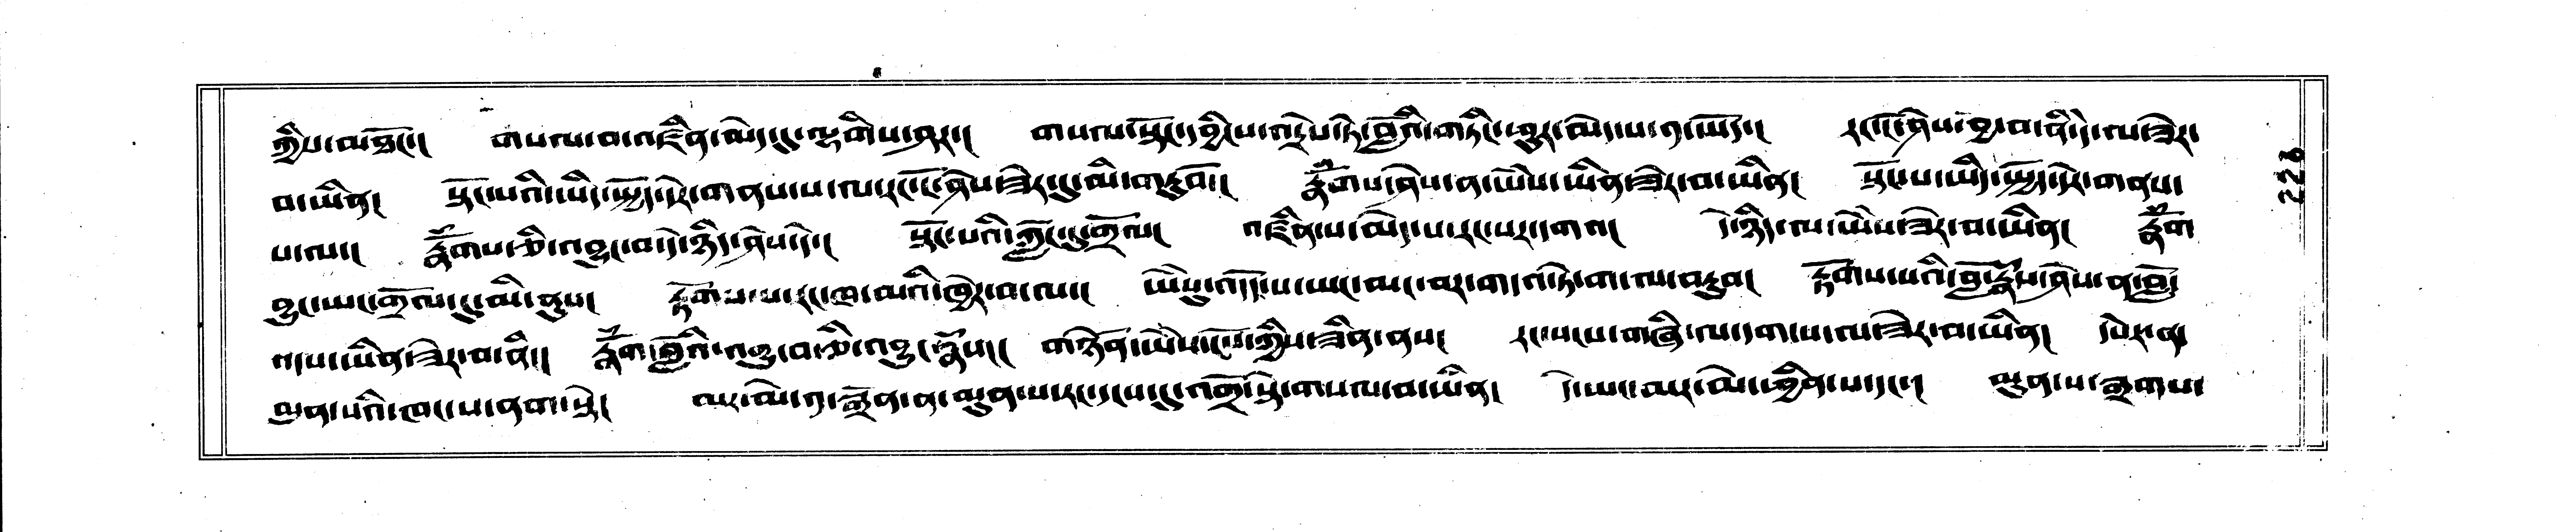ཀྱིས་མཐོང་། གསལ་ལ་འཛིན་མེད་དུ་ལྷག་གིས་ཤར། གསལ་སྟོང་དབྱིངས་སུ་འདྲེས་ཏེ་བློའི་རྟིང་ཕུར་མེད་པ་ཞིག་ཡོད། རང་ངོ་ཤེས་བྱ་བ་ནི་དེ་ལ་ཟེར་
ཡིན། སྟོང་པ་ཡིད་སྤྱོད་དར་རེ་གནས་པ་ལ་རང་ངོ་ཤེས་ཟེར་བ་ལ་མི་བཏུབ་བོ། རྣམ་རྟོག་ཤེས་ན་ཡེ་ཤེས་ཡིན་ཟེར་ སྟོང་པ་ཡིད་སྤྱོད་དར་རེ་གནས་
བ་ཡང་། རྣམ་རྟོག་ཅི་བྱུང་པ་ཡང་དེ་ཉིད་ཤེས་ཏེ། སྟོང་ལ་ཀློང་དུ་གྲོལ། འཛིན་པ་རང་སར་དག དེ་ཉིད་ལ་ཡེ་ཤེས་ཟེར་བ་ཡིན། རྣམ་རྟོག་
བྱུང་ཡང་གྲོལ་དུ་མི་ རྟོག་པ་རང་ཁ་མའི་ཁས་ཁྱེར་བ་ལ་ ཡེ་ཤེས་སུ་འདོད་པ་ཡང་མང་བར་གདའ་སྟེ་ག་ལ་བཏུབ། རྟོག་པའི་བློ་རྣམས་ཤེས་ན་བློ་
འདས་ཡིན་ཟེར་བ་ནི། རྣམ་རྟོག་བློའི་འགྱུ་བ་ཅི་བྱུང་བ་རྣམས། གཉེན་པོ་ཡེ་ཤེས་ངོས་ཀྱི་ཟིན་ནས། རང་སངས་དུ་གཞི་ལ་དག་པ་ལ་ཟེར་བ་ཡིན། དཔེར་ན་
མུན་པའི་ཁང་པ་ནག་པ་ཏེ། མར་མེ་གཅིག་བསྒྲོན་ན་མུན་པ་རང་དངས་སུ་འགྲོ་སྟེ་གསལ་བ་ཡིན་ནོ། དེ་ཡང་མར་མེ་ཕྱིན་པ་དང་། མུན་པ་སྐྲག་